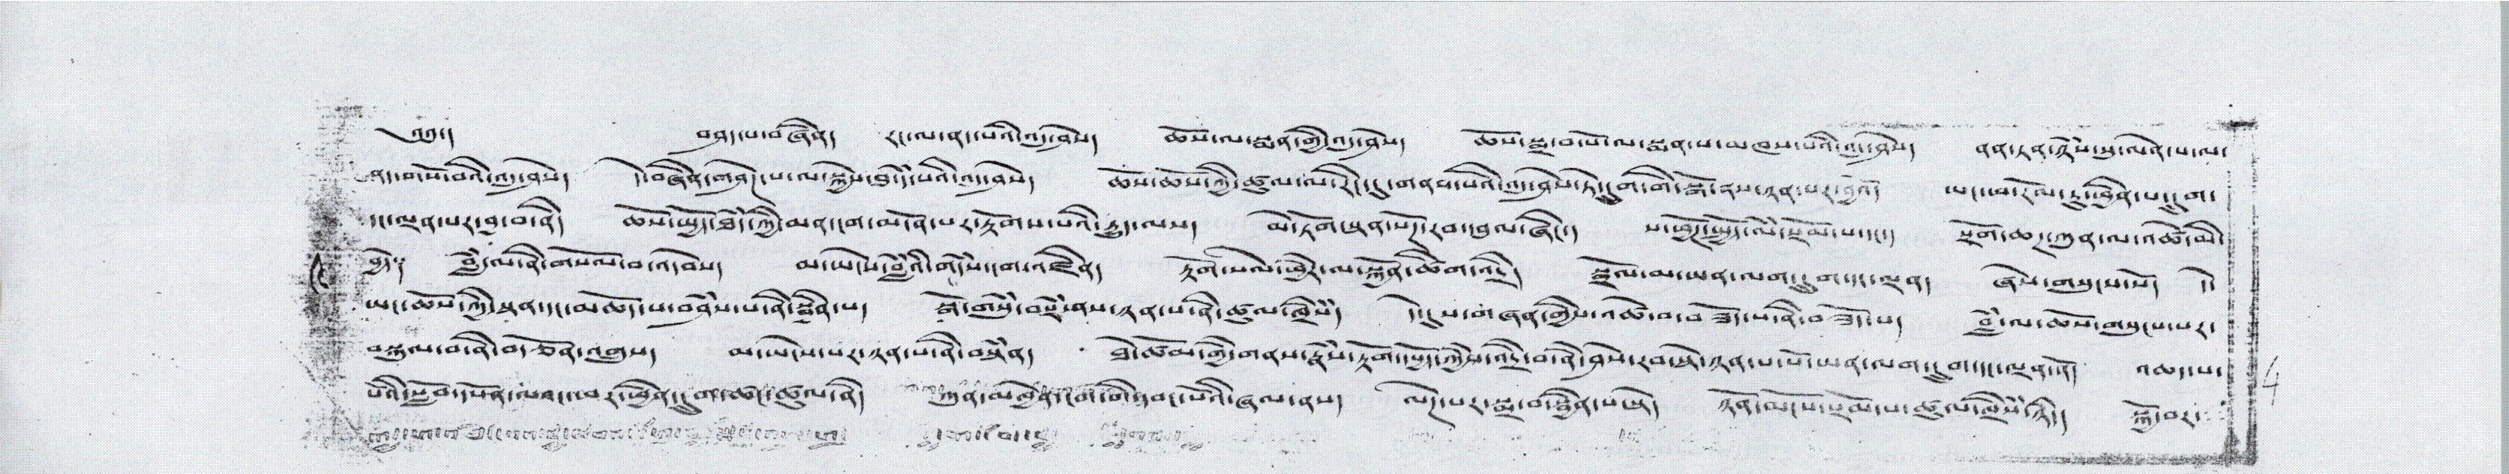བཤད་པ་བཞིན། རང་ལ་ནད་པའི་འདུ་ཤེས། ཆོས་ལ་སྨན་གྱི་འདུ་ཤེས། ཆོས་སྨྲ་བ་པོ་ལ་སྨན་པ་མཁས་པའི་འདུ་ཤེས། ནན་ཏན་ཉམས་སུ་ལེན་པ་ལ་
ནད་གསོ་བའི་འདུ་ཤེས། དེ་བཞིན་གཤེགས་པ་ལ་སྐྱེས་བུ་དམ་པའི་འདུ་ཤེས། ཆོས་ཀྱི་ཚུལ་ལ་རིང་དུ་གནས་པའི་འདུ་ཤེས་ཏེ་དྲུག་གི་སྒོ་ནས་ཉན་པར་བྱའོ། །ཡང་ཕ་རོལ་ཏུ་ཕྱིན་པ་དྲུག་
དང་ལྡན་པར་བྱ་བ་ནི། ཆོས་སྤྱོད་ཐམས་ཅད་ཀྱི་མན་ངག་མངོན་པར་རྟོགས་པའི་རྒྱུད་ལས། མེ་ཏོག་སྟན་སོགས་རབ་དབུལ་ཞིང་། །ས་ཕྱོགས་སྤྱོད་ལམ་སྡོམ་པ་དང་། །སྲོག་ཆགས་ཀུན་ལ་འཚེ་མི་
བྱེད། །བླ་མ་ལ་ནི་གསོལ་བ་འདེབས། །མ་ཡེངས་བླ་མའི་གདམས་ངག་འཛིན། །རྟོག་སེལ་ཚིག་ལ་སྐྱོན་ཚིག་འདྲི། །སྒྲོལ་མ་ཡན་ལག་དྲུག་དང་ལྡན། །ཞེས་གསུངས་སོ། །དེ་
ཡང་ཆོས་ཀྱི་སྟན་དང་མཆོད་པ་བཤམས་པ་ནི་སྦྱིན་པ། སྒོ་གསུམ་བསྡམས་ནས་ཉན་པ་ནི་ཚུལ་ཁྲིམས། དེ་དུས་གཞན་གྱི་འཚེ་བ་བཟོད་པ་ནི་བཟོད་པ། བླ་མ་ལ་ཆོས་གསུངས་པར་
བསྐུལ་བ་ནི་བརྩོན་འགྲུས། མ་ཡེངས་པར་ཉན་པ་ནི་བསམ་གཏན། ཐེ་ཚོམ་གྱི་གནས་རྣམས་རྟོག་དཔྱོད་ཀྱིས་འདྲི་བ་ནི་ཤེས་རབ་སྟེ་ཉན་པ་པོ་ཡན་ལག་དྲུག་དང་ལྡན་ནོ། འཆད་པ་
སློབ་དཔོན་ལའང་ཕར་ཕྱིན་དྲུག་ཚང་ཚུལ་ནི། ཀུན་མཁྱེན་ངག་གི་དབང་པོའི་ཞལ་ནས། ལེགས་པར་སྨྲ་བ་སྦྱིན་པ་སྟེ། ཉོན་མོངས་སྡོམ་པ་ཚུལ་ཁྲིམས་ཉིད། །སྐྱོ་བར་